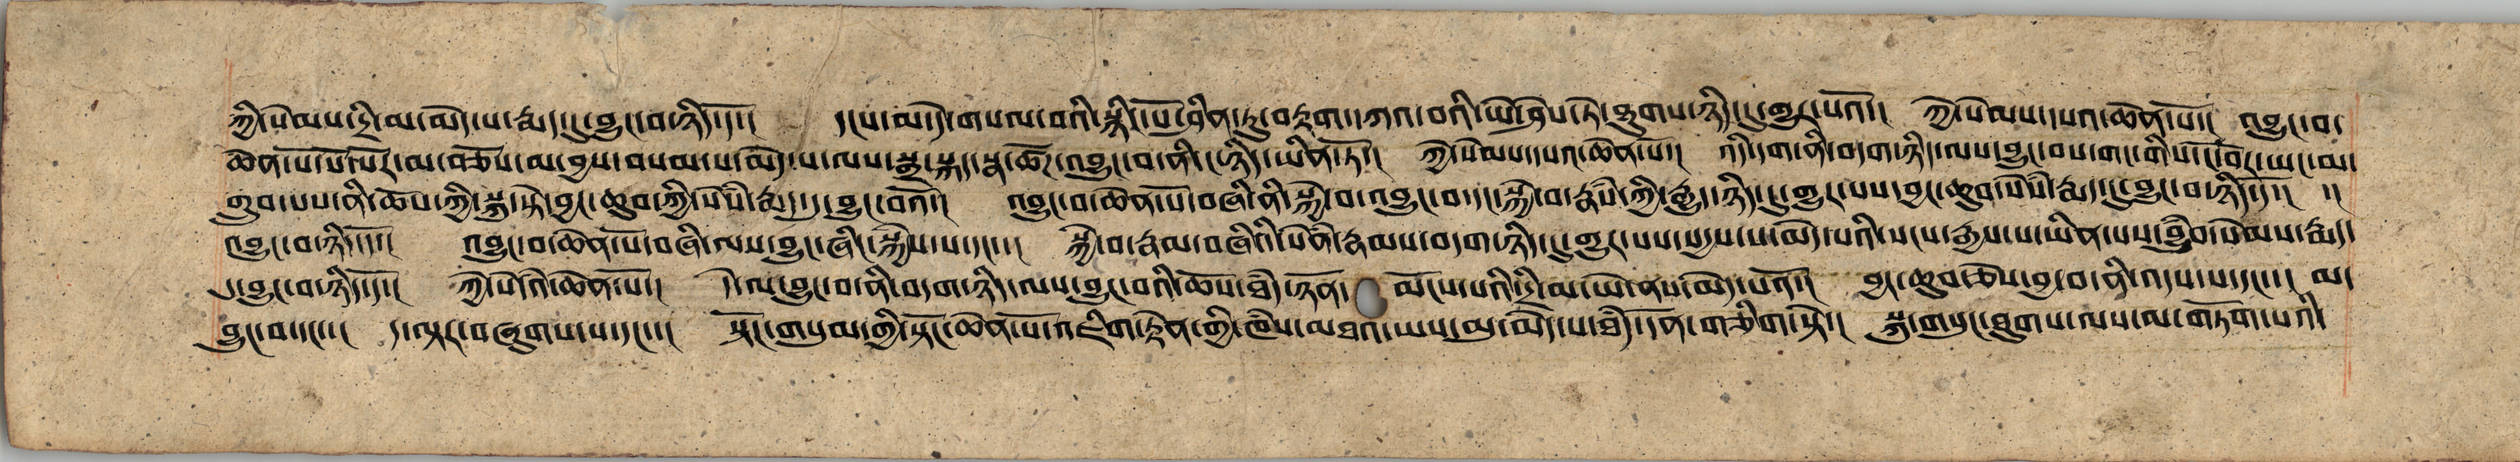ཀྱེ་སེམས་དྲི་མ་མེད་པ་རྨད་དུ་བྱུང་བ་ཉིད་དོ་། དངས་མ་དེ་གསལ་བའི་སྙིང་པོ་ཤིན་ཏུ་བརྟག་དཀའ་བའི་ཡེ་ཤེས་ཏེ་ཐུགས་ཉིད་དུ་གྱུར་པའོ་། ཀྱེ་སེམས་དཔའ་ཆེན་པོ་། འབྱུང་བ་
ཆེན་པོ་སོ་སོར་མ་བཅོས་མ་བྱས་བསམ་པ་མེད་པ་ལས་སྒྲ་སྐད་སྣ་ཚོཌ་འབྱུང་བ་ནི་ང་ཉིད་ཡིན་ཏོ་། ཀྱེ་སེམས་དཔའ་ཆེན་པོ་། འདི་དག་ནི་བདག་ཉིད་ལས་བྱུང་བས་གང་གིས་ངོ་བོར་ཡང་མ་
གྲུབ་པས་ནི་ཆོས་ཀྱི་སྐུ་སྟེ་བྱང་ཆུབ་ཀྱི་སེཾས་རྨད་དུ་བྱུང་བའོ་། འབྱུང་བ་ཆེན་པོ་བཞི་ནི་སྐྱེ་བ་འབྱུང་བ་དང་སྐྱེ་བ་རྣཾས་ཀྱི་རྒྱུད་ཉིད་དུ་གྱུར་པས་བྱང་ཆུབ་སེཾས་རྨད་དུ་བྱུང་པ་ཉིད་དོ་། ་།
འབྱུང་བ་ཉིད་དོ་། འབྱུང་བ་ཆེན་པོ་བཞི་ལས་བྱུང་ཞིང་སྐྱེས་པ་དང་་། སྐྱེ་བ་རྣམ་བཞིའི་སེཾན་རྣམས་བདག་ཉིད་དུ་གྱུར་པས་སདྱས་པ་མེད་པའི་སངས་རྒྱས་པ་ཡིན་པས་བྱུཾབ་སེམས་རྨད་
དུ་བྱུང་བ་ཉིད་དོ་། ཀྱེ་སེདཾའ་ཆེན་པོ་། དེ་ལ་བྱུང་བ་ནི་བདག་ཉིད་ལས་བྱུང་བའི་ཆོས་ཐཾད་ཉོན་མོངས་པའི་དྲི་མ་ཡེ་ནས་མེད་པའོ་། བྱང་ཆུབ་ཅེས་བྱ་བ་ནི་འདས་པ་དང་་། མ་
བྱུང་བ་དང་་། ད་ལྟར་བཞུགས་པ་དང་་། སྟོང་གསུམ་གྱི་སྟོང་ཆེན་པོ་འཇིག་རྟེན་གྱི་ཁཾས་མཐའ་ཡས་མུ་མེད་པ་ཐཾད་དོན་གཅིག་སྟེ་། སྐུ་གསུང་ཐུགས་ལས་མ་གཏོག་པའི་